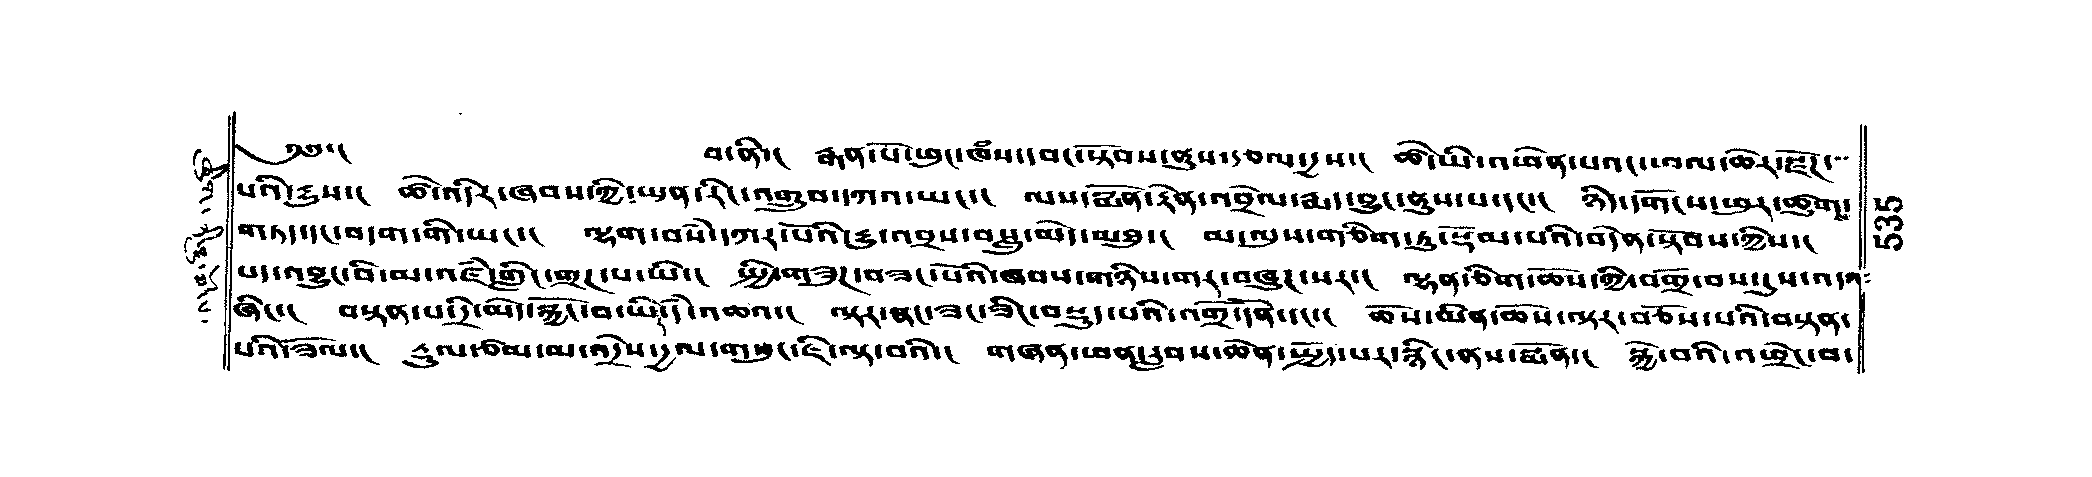བ་ནི། །རྒན་པོ་ཕུང་ཁམས་དབང་སྟོབས་ནུས་རྩལ་ཞན། །ཚེ་ཡི་འཕེན་པའང་ཕལ་ཆེར་རྫོགས་
པའི་རྒྱུས། །ཚེ་འདིར་ཞབས་ཕྱི་ཡུན་རིང་འགྲུབ་དཀའ་ཡང་། །ལས་སྨོན་རྟེན་འབྲེལ་རྨད་བྱུང་ནུས་པ་དང་། །ཉིད་དགོངས་ཕུར་ཚུགས་
གཏད་དང་བདག་གི་ཡང་། །ལྷག་བསམ་དཀར་པོའི་རྒྱུ་འབྲས་བསླུ་མེད་མཐུ། །མ་ལུས་གཅིག་ཏུ་བསྡོམས་པའི་བདེན་སྟོབས་ཀྱིས། །
པད་འབྱུང་བཱི་མ་འཛམ་གླིང་གྲགས་པ་ཡི། །སྤྱི་གཟུགས་བཟང་པོའི་ཞབས་ཉིད་གར་བཞུགས་སར། །ལྷན་ཅིག་ཆོས་ཀྱི་བགྲོ་བས་དུས་འདའ་
ཞིང་། །བསྟན་པ་དྲི་མེད་སྐྱོང་བར་ཡིད་དམ་འཆའ། །ལྟར་སྣང་ཟང་ཟིང་བསྡུད་པའི་འགྲོ་དོན་དང་། །ཆོས་མིན་ཆོས་ལྟར་བཅོས་པའི་བསྟན་
པའི་ཟོལ། །རྡུལ་ཙམ་མ་འདྲེས་རྒྱལ་གསུང་ཇི་ལྟ་བའི། །གཞན་ཕན་རླབས་ཆེན་སྤྱོད་པར་སྙིང་ནས་སྨོན། །སྐྱེ་བའི་འཕྲེང་བ་